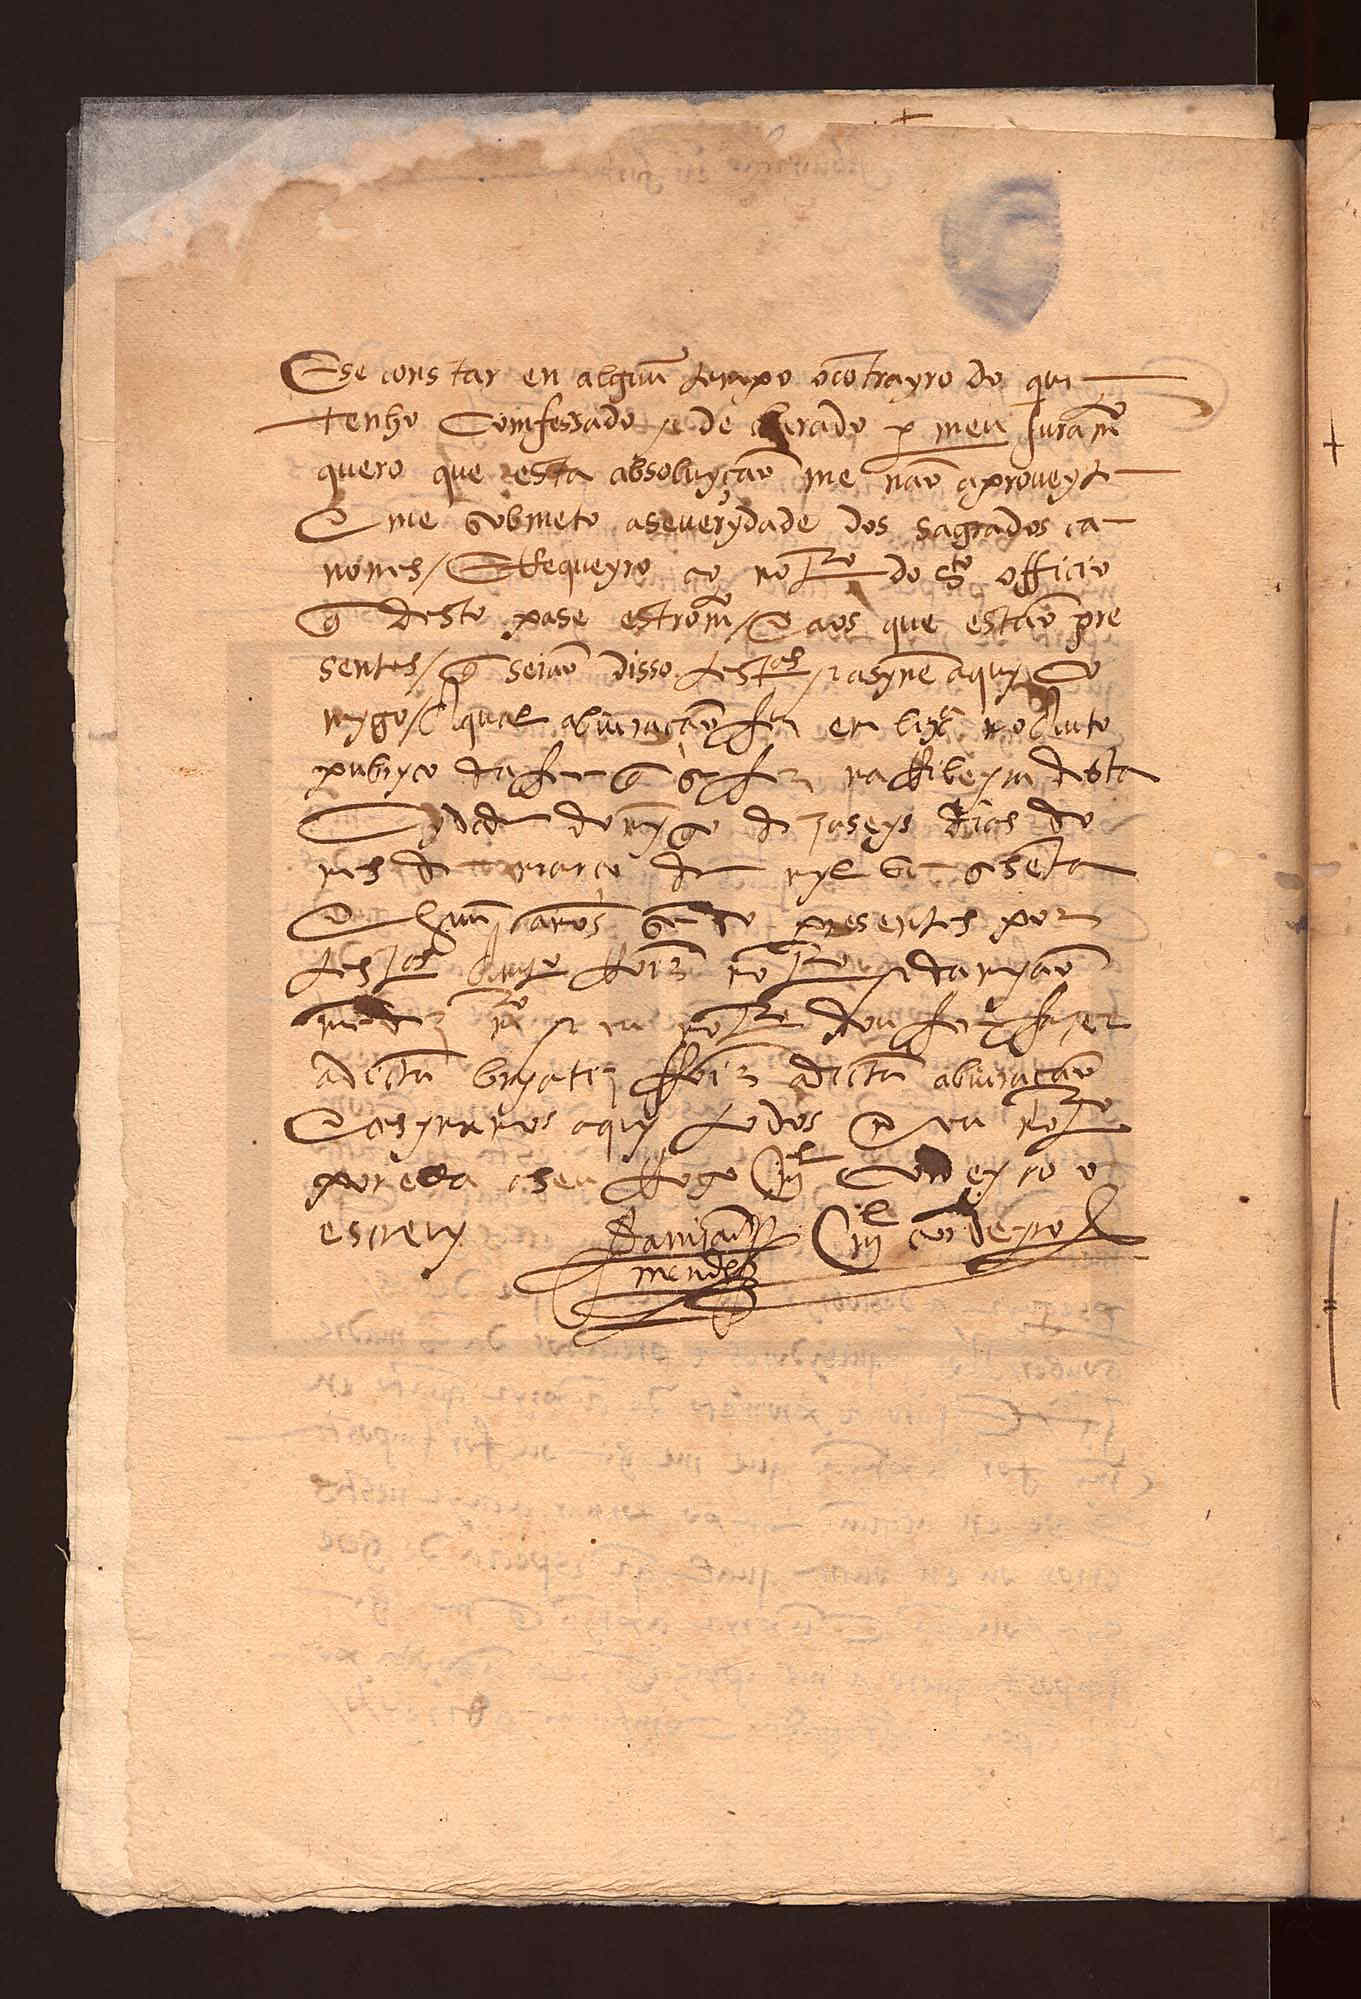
E se constar en alguū tempo o cōtrayro do que
tenho Comfessado e declarado ꝑ meu Juramto
quero que esta absoluyção me não aproueyte
e me sobmeto a seuerydade dos sagrados ca
nones / E Requeyro ao notro do Sto officio
q̄ desto pase estromto / e aos que estão pre
sentes / q̄ seião disso testas / e asȳne aquy Co
mygo / A qual abiuração fez em lixa no Auto
pubryco da fee q̄ se fez a Ribeyra desta
Cydade dom̄ygo dezaseys dias do
mes de março de myl bc sesēta
e huū an̄os sēdo presentes por
testas Amto Rōiz notro e damyão
mēdez mro e eu notro dou fee fazer
a dict̄a bryatiz Rōiz a dict̄a abiuração
e asynamos aquy todos e eu notro
por ella a seu Rogo mel Cordeyro o
escreuy
